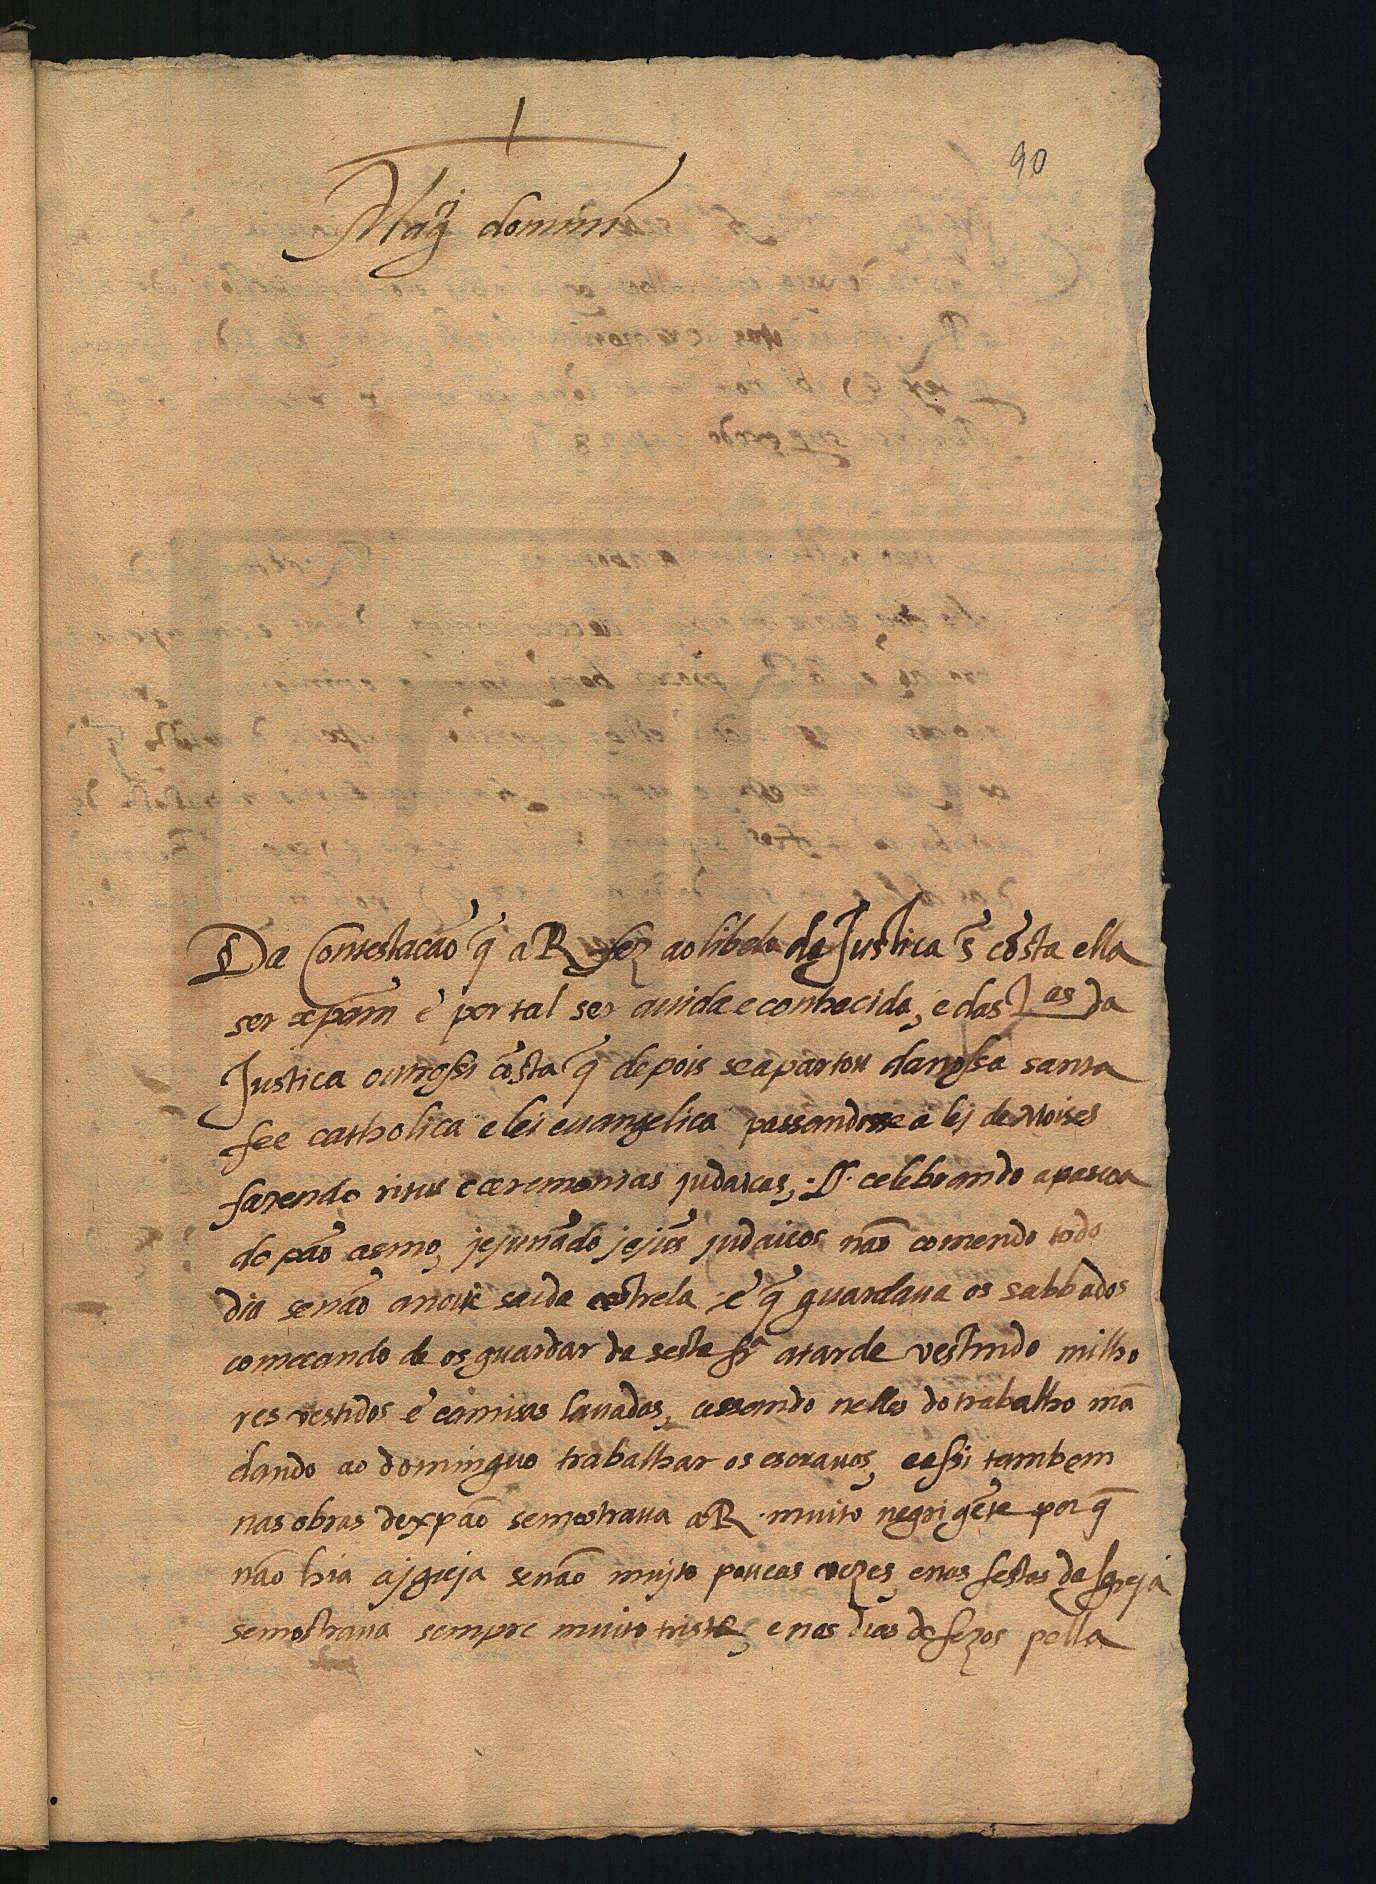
Mgri dominī
Da Contestacaõ q̄ a R fez ao libelo de Justica s̄ cōsta ella
ser xpām e por tal ser auida e conhecida, e das tas da
Justica outrossi cōsta q̄ depois se apartou da nossa santa
fee catholica e lei euangelica passandosse a lej de Moises
fazendo ritus e ceremonias judaicas, .ss. celebrando a pascoa
do pão asmo, jejunādo jejūs judaicos não comendo todo
dia senão a noite saida a estrela e q̄ guardaua os sabbados
comecando de os guardar da sesta fra a tarde vestindo milho
res vestidos e camisas lauadas, cessando nelles do trabalho mā
dando ao dominguo trabalhar os escrauos, e assi tambem
nas obras de xpão se mostraua a R. muito negrigēte porq̄
não hia a jgreja senão mujto poucas vezes, e nas festas da Jgreja
se mostraua sempre muito triste, e nos dias defezos pella
